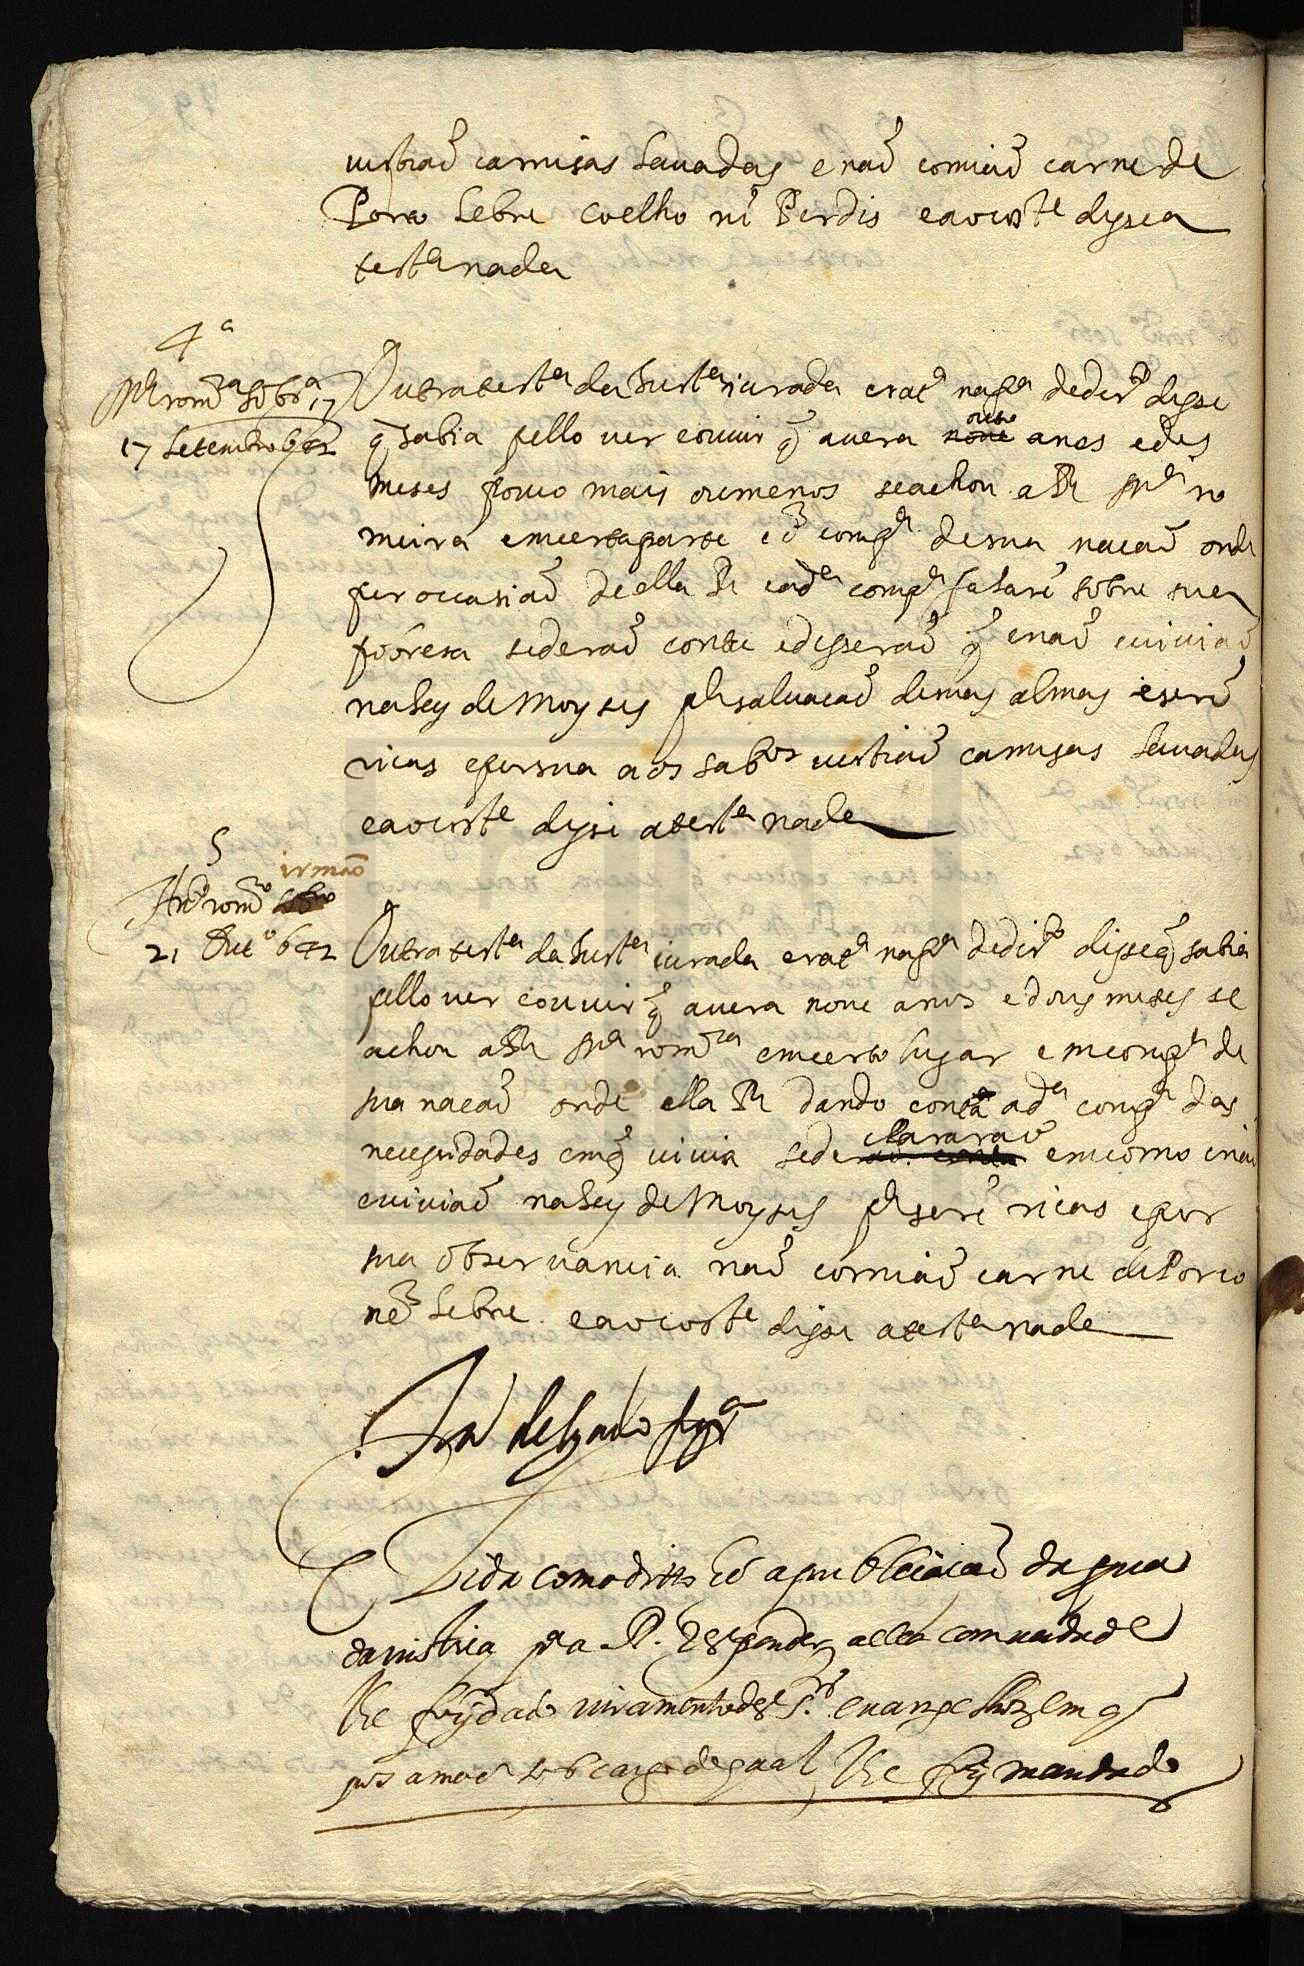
uistiaõ camisas Lauadas, e naõ comiaõ carne de
Porco Lebre coelho nē Perdis e ao cos.te disse a
test.a nada
4a
Ma romra sobra
17 Setembro 642
Ma romra sobra q̄ Outra testa da Iusta iurada era ta na fra de derto disse
q̄ sabia pello uer e ouuir q̄ auera outo anos e des
meses pouco mais ou menos se achou a R Ma ro
meira em certa parte, e cō compa de sua naçaõ onde
per occasiaõ de ella Re e a da compa falarē sobre sua
pobresa se deraõ conta e disseram q̄ creaõ e uiuiaõ
na ley de Moyses pa saluaçaõ de mais almas e serē
ricas e por sua aos sabos uestiaõ camisas lauadas
e ao coste disse a testa nade
Anto romro
irmaõ
21 Out.o 642
Outra testa da Iusta iurada era ta na fra de dirto disse q̄ sabia
pello uer e ouuir q̄ auera noue anos e dous messes se
achou a R Ma romra em certo lugar em compa de
sua naçaõ onde ella R dando conta a da compa das
necessidades em q̄ uiuia se declararaõ em como criaõ
e uiuiaõ na ley de Moyses pa serē ricas e por
sua obseruancia naõ comiaõ carne de Porco
nē Lebre e ao coste disse a testa nada
Joaõ delgado fgra
E Lida como ditto hé a publicaçaõ da sua
da iustiça pra R. responder a ella com uerdade
lhe foy dado uiramento dos S.tos euangelhos em q̄
pos a maõ sob cargo do qual lhe foy mandado
